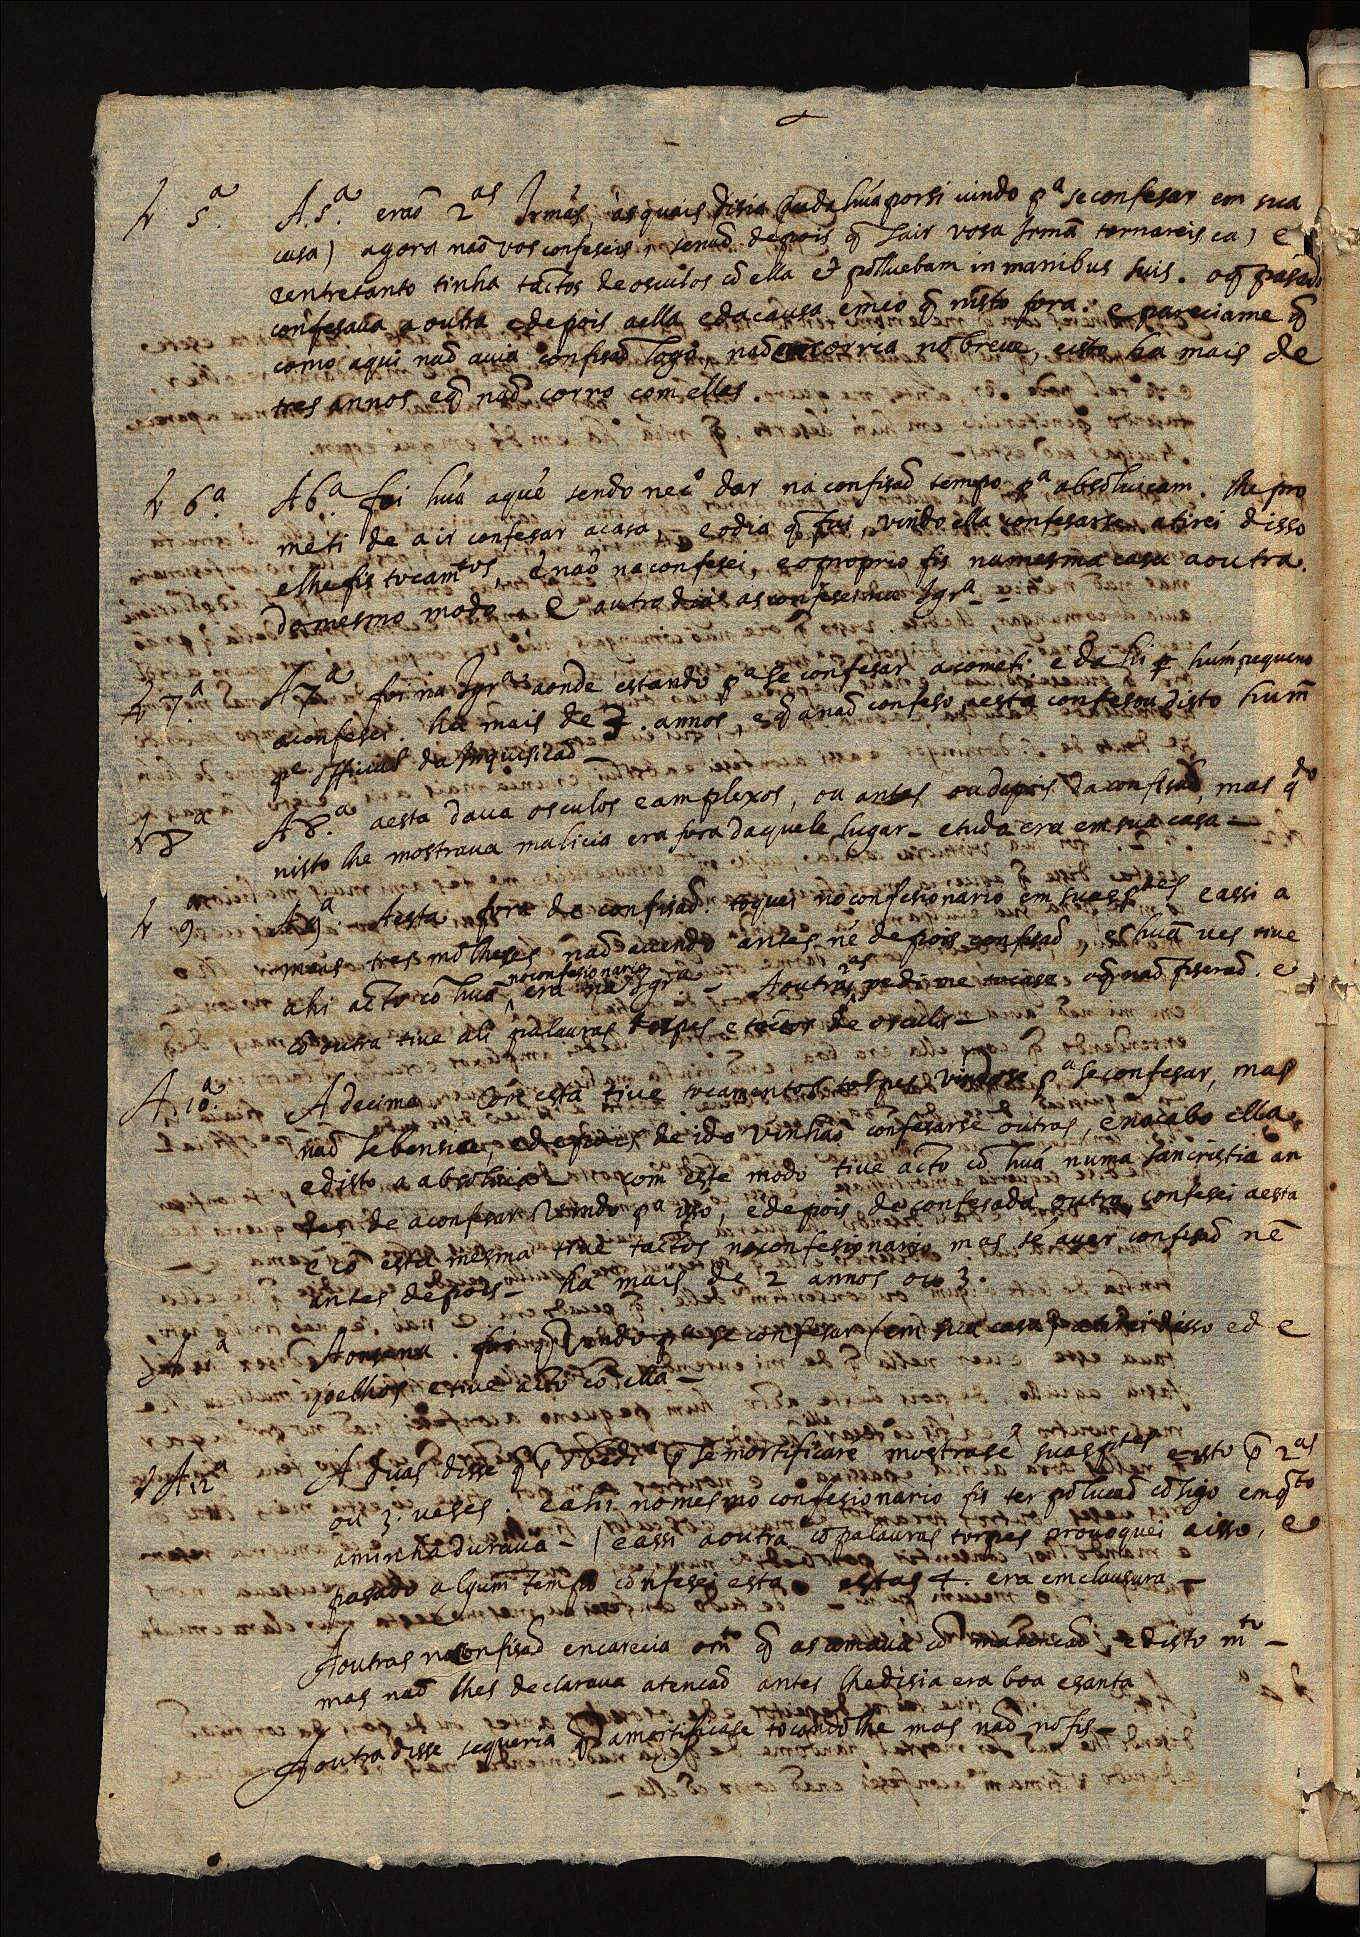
item 5a. A 5.a eraõ 2as Irmās, às quais disia a cada huā por si uindo pa se confesar em sua
casa / agora naõ vos confeseis, senaõ depois q̄ sair vosa Jrmā tornareis ca / e
e entretanto tinha tactos de osculos cō ella & polluebam in manibus suis. o q̄ pasado
confesaua a outra e depois a ella e da causa e meo q̄ nisto fora. e pareciame q̄
como aqui naõ auia confisaõ logo, naõ encorria no breue, e isto ha mais de
tres annos e q̄ naõ corro com ellas.
item 6a. A 6.a foi huā a quē sendo neco dar na confisaõ tempo pa absoluiçam lhe pro
meti de a ir confesar a casa, e o dia q̄ fui, vindo ella confesarse a tirei disso
e lhe fis tocamtos, e naõ na confesei, e o proprio fis na mesma casa a outra
do mesmo modo e outro dia as confesei na Igra.
A 7.a foi na Igra aonde estando pa se confesar a cometi, e dahi ꝑ hum̄ pequeno
item 7.a
a confesei ha mais de 3 annos, e q̄ a naõ confeso a esta confesou disto hum̄
pe official da Inquisiçaõ -
item 8a A 8.a a esta daua osculos e amplexos, ou antes ou depois da confisaõ, mas qdo
nisto lhe mostraua malicia era fora daquele lugar - e tudo era em sua casa -
item 9 A 9.a A esta fora de confisaõ. toquei no confesionario em suas ptes e assi a
mais tres molheres naõ auendo antes nē depois confisaõ, e huā ues tiue
no confisionario
ahi acto cō huā era na Igr.a
A outras 2as pedi me tocase o q̄ naõ fiseraõ. e
cō outra tiue ali palauras torpes e tactos de osculos
A 10.a A decima. Com esta tiue tocamentos torpes vindose p.a se confesar, mas
naõ se bensia, e depois de ido vinhaõ confesarse outras, e no cabo ella
e disto a absolui _ com este modo tiue acto cō huā numa sancristia an
tes de a confesar vindo pa isso, e depois de confesada outra confesei a esta
e cō esta mesma tiue tactos no confesionario mas sē auer confisaõ nē
antes depois - ha mais de 2 annos ou 3.
A 11a A onseaua. foi q̄ vindo pa se confesar (em sua casa) a tirei disso e de
joelhos e tiue acto cō ella -
item A 12a A duas disse q̄ p̄ obedia p̄ se mortificarē mostrasē suas ptes e isto p̄ 2as
ou 3. ueses. e ahi no mesmo confesionario fis ter poluçaõ cōsigo emqto
a minha duraua / e assi a outra cō palauras torpes prouoquei a isso, e
pasado algum tempo confesei esta _ estas 4. era em clausura -
A outras na confisaõ encarecia o mto q̄ as amaua cō ma tençaõ, e disto mto -
mas naõ lhes declaraua a tençaõ antes lhe disia era boa e santa
A outra disse se queria q̄ a mortificase tocandolhe mas naõ no fis -
